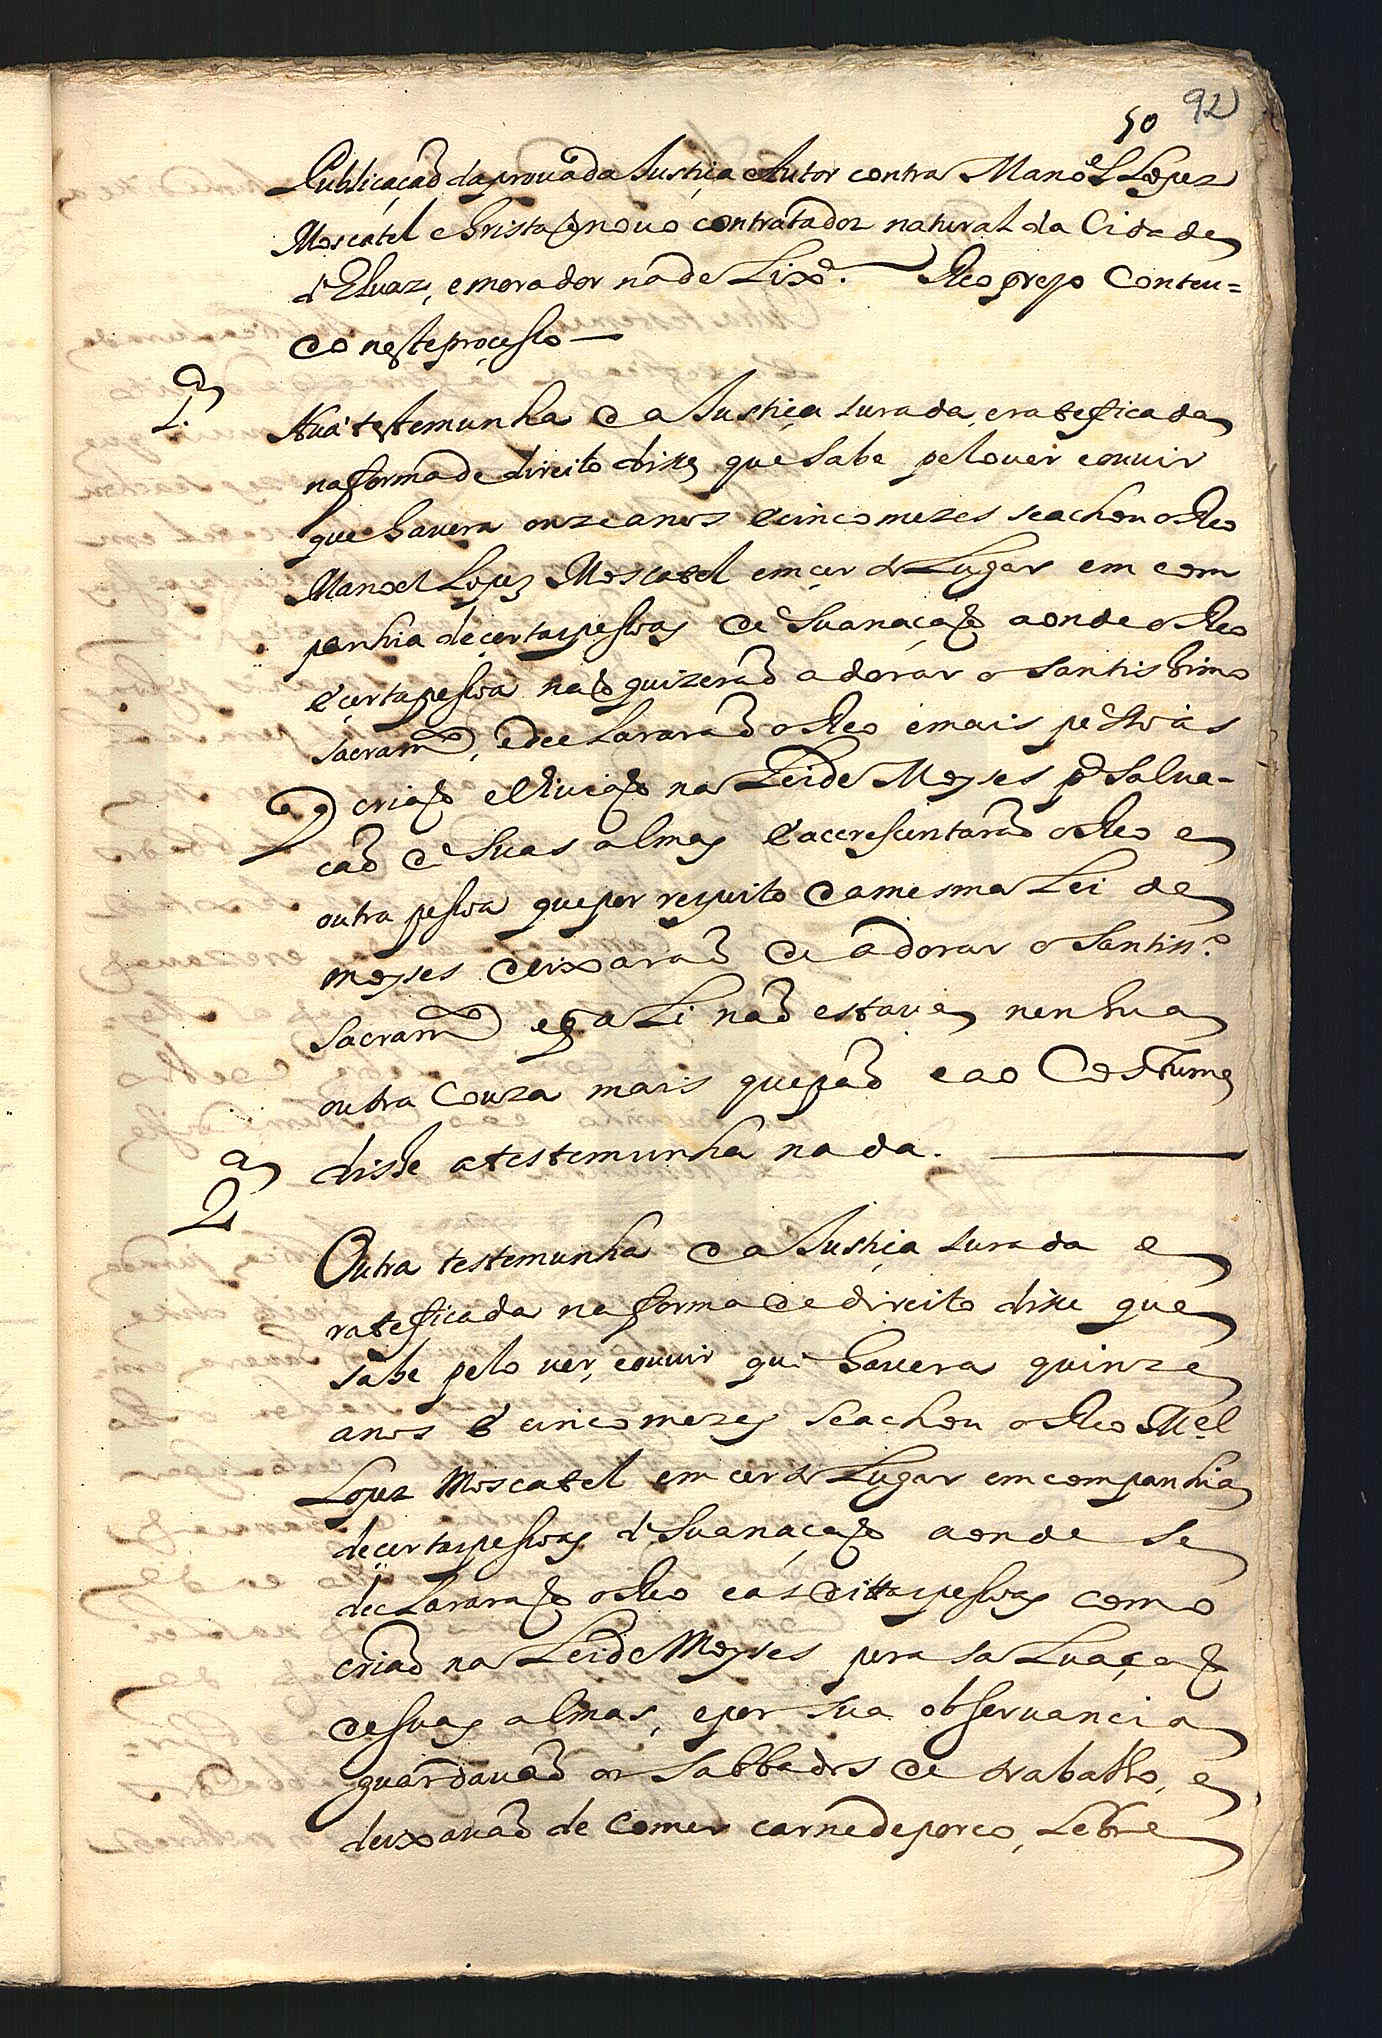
Publicação da proua da Iustiça Autor contra Manoel Lopez
Moscatel christaõ nouo contratador natural da Cidade
d'Eluaz, e morador na de Lixa. Reo prezo Conteu
do neste proçesso
Huā testemunha da Iustiça iurada, e rateficada
na forma de direito disse que sabe pelo uer e ouuir
que hauera onze annos e cinco mezes se achou o Reo
Manoel Lopez Moscatel em çerto Lugar em com
panhia de çertas pessoas de sua naçaõ aonde o Reo
& çerta pessoa naõ quizerão adorar o santissimo
sacramto, e decLararaõ o Reo e mais pessoas
q̄ criaõ e Viuiaõ na Lei de Mojses pa Salua
caõ de Suas almas & accrescentarão o Reo e
outra pessoa que por respeito da mesma Lei de
mojses deixaraõ de adorar o Santiss.o
Sacramto e q̄ aLi naõ estaua nenhua
outra couza mais que paõ e ao Costume
disse a testemunha nada.
Outra testemunha da Iustiça iurada e
rateficada na forma de direito disse que
sabe pelo uer, e ouuir que hauera quinze
anos & cinco mezes se achou o Reo M.el
Lopez Moscatel em certo Lugar em companhia
de çertas pessoas de Sua naçaõ aonde se
decLararaõ o Reo e as dittas pessoas como
crião na Lei de Moyses, pera saLuaçaõ
de suas almas, e por sua obseruancia
guardauaõ os Sabbados de trabalho, e
deixauão de comer carne de porco, Lebre
